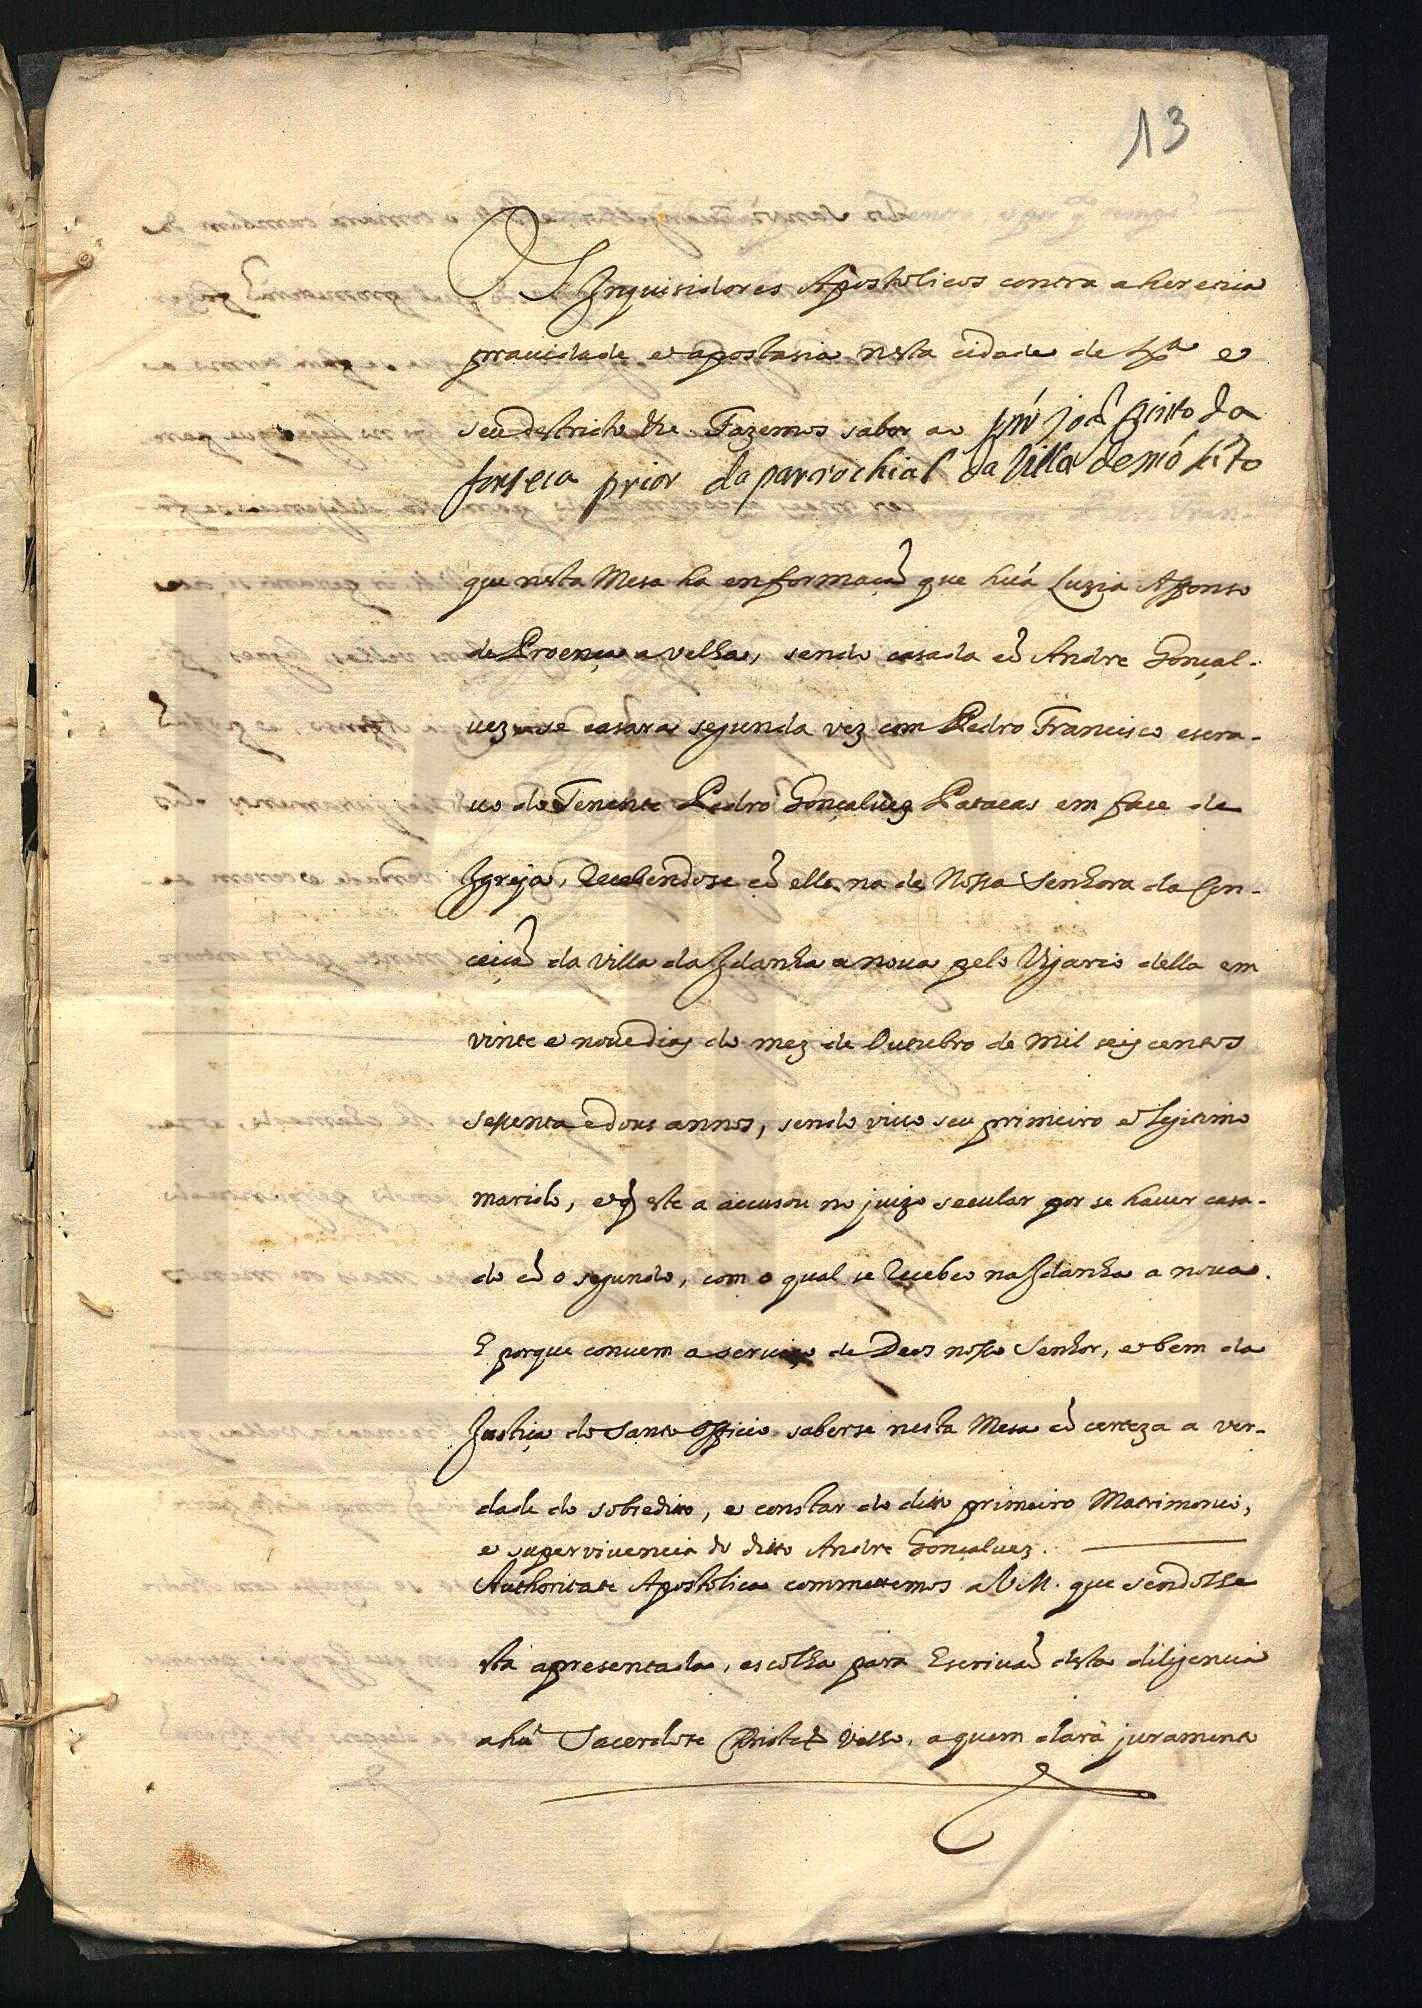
Os Jnquisidores Apostolicos contra a heretica
prauidade e apostasia nesta cidade de Lx.a e
seu destricto etc Fazemos saber ao Snr̄ joaõ pinto da
fonseca prior da parrochial da Villa de mōsāto
que nesta Mesa há informaçaõ que huā Luzia Affonso
de Proença a velha, sendo casada cō Andre Gonçal
uez se casara segunda vez com Pedro Francisco escra
uo do Tenente Pedro Gonçaluez Patacas em face da
Jgreja, Recebendo se cō elle na de Nossa Senhora da Con
ceiçaõ da villa da Jdanha a noua pelo Vigario della em
vinte e noue dias do mez de Outubro de mil seiscentos
sessenta e dous annos, sendo viuo seu primeiro e legitimo
marido, e q̄ este a accusou no juizo secular por se hauer casa
do cō o segundo, com o qual se recebeu na Idanha a noua.
E porque conuem a seruiço de Deos nosso Senhor, e bem da
Justiça do Santo Officio saber se nesta Mesa cō certeza a ver
dade do sobredito, e constar do dito primeiro Matrimonio,
e superviuencia do ditto Andre Gonçaluez.
Authoritate Apostolica commettemos a V M. que sendosse
esta apresentada, escolha para Escriuaõ desta diligencia
a hū Sacerdote Christaõ Velho, a quem dará juramento
